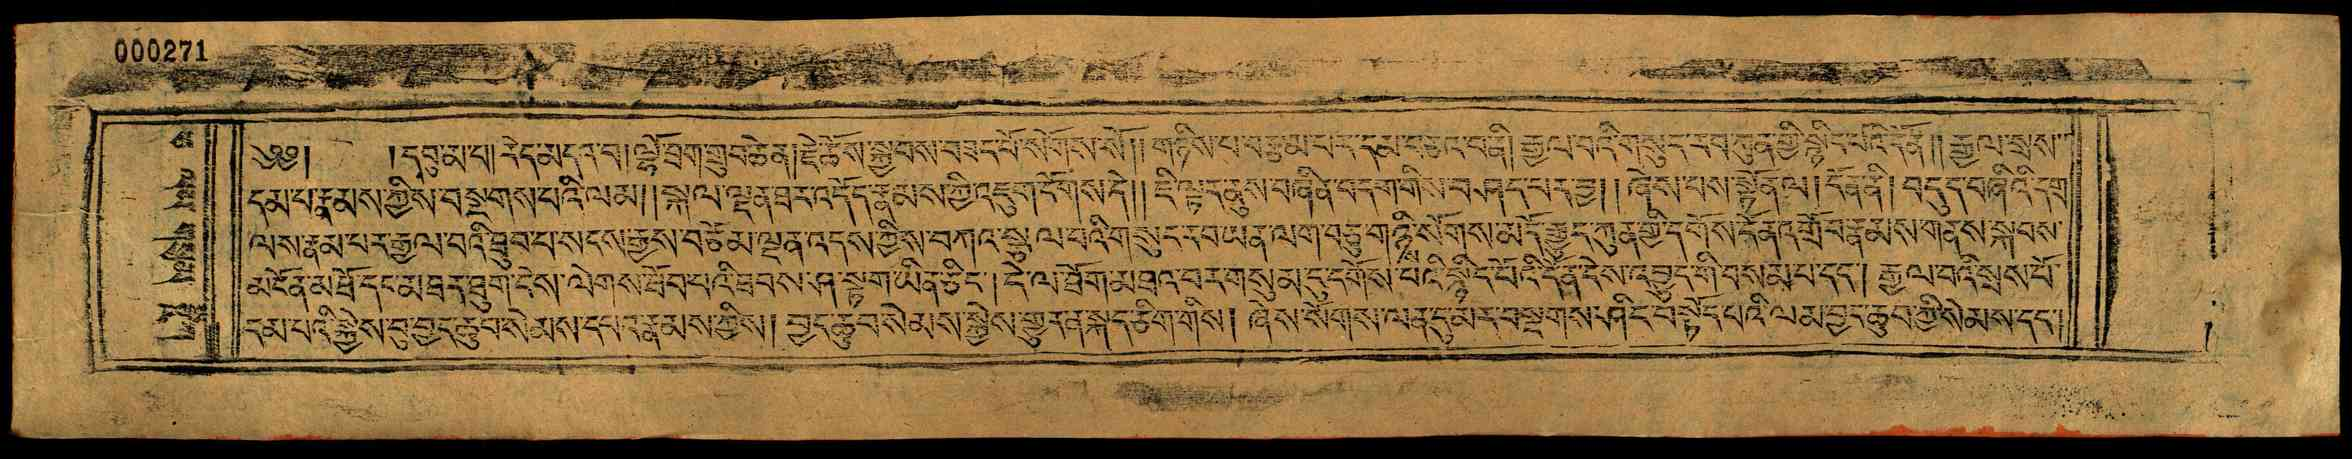༄༅། །དབུ་མ་པ། རེད་མངའ་བ། ལྷོ་བྲག་གྲུབ་ཆེན། རྗེ་ཆོས་སྐྱབས་བཟང་པོ་སོགས་སོ། །གཉིས་པ་བརྩམ་པར་དམ་བཅའ་བ་ནི། རྒྱལ་བའི་གསུང་རབ་ཀུན་གྱི་སྙིང་པོའི་དོན། །རྒྱལ་སྲས་
དམ་པ་རྣམས་ཀྱིས་བསྔགས་པའི་ལམ། །སྐལ་ལྡན་ཐར་འདོད་རྣམས་ཀྱི་འཇུག་དོགས་དེ། །ཇི་ལྟར་ནུས་བཞིན་བདག་གིས་བཤད་པར་བྱ། །ཞེས་པས་སྟོན་ལ། དོན་ནི། བདུད་བཞིའི་དགྲ་
ལས་རྣམ་པར་རྒྱལ་བའི་ཐུབ་པ་སངས་རྒྱས་བཅོམ་ལྡན་འདས་ཀྱིས་བཀའ་སྩལ་བའི་གསུང་རབ་ཡན་ལག་བཅུ་གཉི་སོགས་མདོ་རྒྱུད་ཀུན་གྱི་དགོས་དོན་འགྲོ་བ་རྣམས་གནས་སྐབས་
མངོན་མཐོ་དང་མཐར་ཐུག་ངེས་ལེགས་ཐོབ་པའི་ཐབས་ཤ་སྟག་ཡིན་ཅིང་། དེ་ལ་ཐོག་མཐའ་བར་གསུམ་དུ་དགོས་པའི་སྙིང་པོའི་དོན་ངེས་འབྱུང་གི་བསམ་པ་དང་། རྒྱལ་བའི་སྲས་པོ་
དམ་པའི་སྐྱེས་བུ་བྱང་ཆུབ་སེམས་དཔའ་རྣམས་ཀྱིས། བྱང་ཆུབ་སེམས་སྐྱེས་གྱུར་ན་སྐད་ཅིག་གིས། ཞེས་སོགས་ལན་དུ་མར་བསྔགས་ཤིང་བསྟོད་པའི་ལམ་བྱང་ཆུབ་ཀྱི་སེམས་དང་